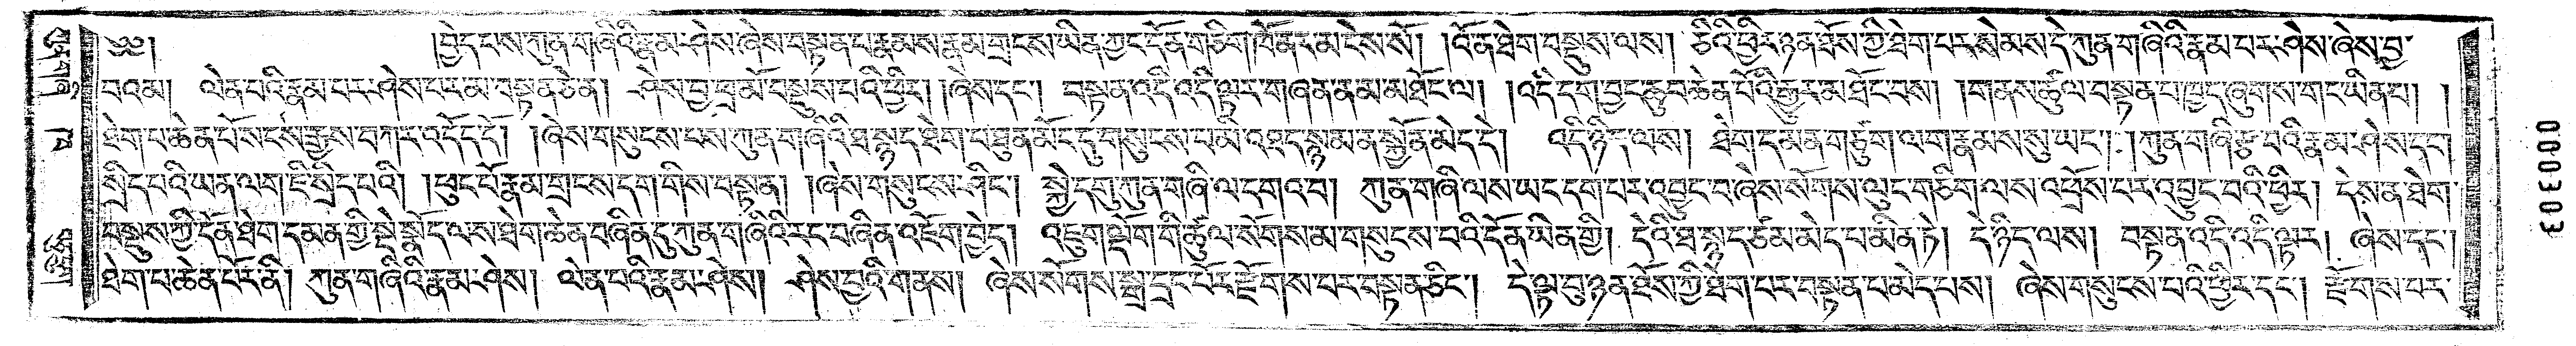༄༅། །བྱེད་པས་ཀུན་གཞིའི་རྣམ་ཤེས་ཞེས་བསྟན་པ་རྣམས་རྣམ་གྲངས་ཡིན་ཀྱང་དོན་གཅིག་ཁོ་ནར་མངས་སོ། །འོ་ན་ཐེག་བསྡུས་ལས། ཅིའི་ཕྱིར་ཉན་ཐོས་ཀྱི་ཐེག་པར་སེམས་དེ་ཀུན་གཞིའི་རྣམ་པར་ཤེས་ཞེས་བྱ་
བའམ། ལེན་པའི་རྣམ་པར་ཤེས་པར་མ་བསྟན་ཅེ་ན། ཤེས་བྱ་ཕྲ་མོ་བསྡུས་པའི་ཕྱིར། ཞེས་དང་། བསྟན་འདི་འདི་ལྟར་གཞན་ན་མ་མཐོང་ལ། །འདི་དག་བྱང་ཆུབ་ཆེན་པོའི་རྒྱུར་མཐོང་བས། །གནས་ཚུལ་བསྟན་པ་ཁྲུད་ཞུགས་གང་ཡིན་པ། །
ཐེག་པ་ཆེན་པོ་སངས་རྒྱས་བཀར་འདོད་དོ། །ཞེས་གསུངས་པས་ཀུན་གཞིའི་ཐ་སྙད་ཐེག་པ་ཐུན་མོང་དུ་གསུངས་པ་མི་འཐད་སྙམ་དུ་སྐྱོན་མེད་དེ། འདི་ཉིད་ལས། ཐེག་དམན་གཙུག་ལག་རྣམས་སུ་ཡང་། །ཀུན་གཞི་རྩ་བའི་རྣམ་ཤེས་དང་།
སྲིད་པའི་ཡན་ལག་ཇི་སྲིད་པའི། །ཕུང་པོ་རྣམ་གྲངས་དག་གིས་བསྟན། ཞེས་གསུངས་ཤིང་། སྐྱེ་དགུ་ཀུན་གཞི་ལ་དགའ་བ། ཀུན་གཞི་ལས་ཡང་དག་པར་འབྱུང་བ་ཞེས་སོགས་ལུང་གི་གཅིག་ལས་འཕྲོས་པར་འབྱུང་བའི་ཕྱིར། དེས་ན་ཐེག་
བསྡུས་ཀྱི་དོན་ཐེག་དམན་གྱི་སྡེ་སྣོད་ལས་ཐེག་ཆེན་བཞིན་དུ་ཀུན་གཞིའི་རང་བཞིན་འཇོག་བྱེད། འཇུག་ལྡོག་གི་ཚུལ་སོགས་མ་གསུངས་པའི་དོན་ཡིན་གྱི། དེའི་ཐ་སྙད་ཙམ་མེད་པ་མིན་ཏེ། དེ་ཉིད་ལས། བསྟན་འདི་འདི་ལྟར། ཞེས་དང་།
ཐེག་པ་ཆེན་པོར་ནི། ཀུན་གཞིའི་རྣམ་ཤེས། ལེན་པའི་རྣམ་ཤེས། ཤེས་བྱའི་གནས། ཞེས་སོགས་སྒྲ་དྲང་པོ་རྫོགས་པར་བསྟན་ཅིང་། དེ་ལྟ་བུ་ཉན་ཐོས་ཀྱི་ཐེག་པར་བསྟན་པ་མེད་པས། ཞེས་གསུངས་པའི་ཕྱིར་དང་། རྫོགས་པར་